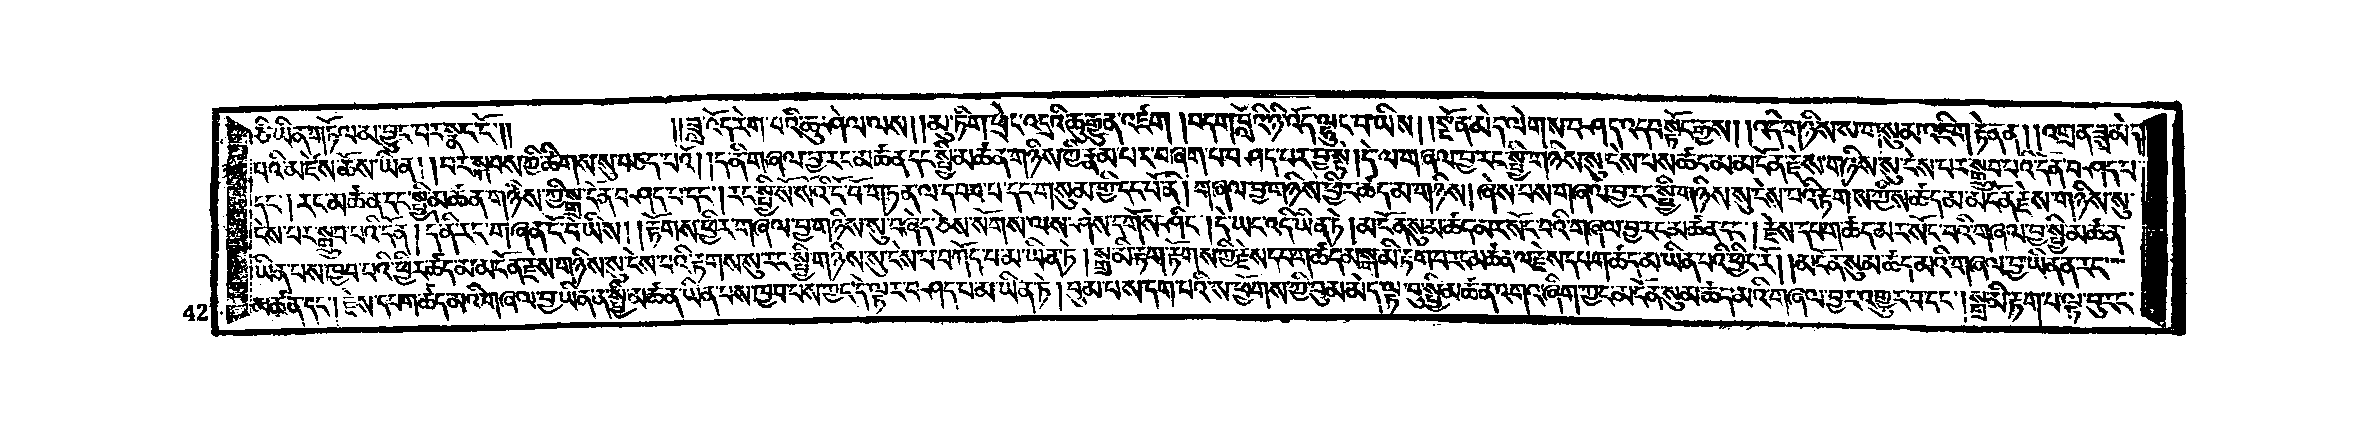ཅི་ཡིན་གཏོལ་མ་བྱུང་བར་སྣང་ངོ།། །།ཟླ་འོད་རེག་པའི་ཆུ་ཤེལ་ལས། །མུ་ཏིག་ཕྲེང་འདྲའི་ཆུ་རྒྱུན་འཛག །བདག་བློའི་ཉི་འོད་ལྷུང་བ་ཡིས། །སྔོན་མེད་ལེགས་བཤད་འདབ་སྟོང་རྒྱས། །འདི་གཉིས་ས་གསུམ་འཇིག་རྟེན་ན། །འགྲན་ཟླ་མེད་
པའི་མཛེས་ཆོས་ཡིན། །བར་སྐབས་ཀྱི་ཚིགས་སུ་བཅད་པའོ། །ད་ནི་གཞལ་བྱ་རང་མཚན་དང་སྤྱི་མཚན་གཉིས་ཀྱི་རྣམ་པར་བཞག་པ་བཤད་པར་བྱ་སྟེ། དེ་ལ་གཞལ་བྱ་རང་སྤྱི་གཉིས་སུ་ངེས་པས་ཚད་མ་མངོན་རྗེས་གཉིས་སུ་ངེས་པར་སྒྲུབ་པའི་དོན་བཤད་པ་
དང༑ རང་མཚན་དང་སྤྱི་མཚན་གཉིས་ཀྱི་སྒྲ་དོན་བཤད་པ་དང་། རང་སྤྱི་སོ་སོའི་ངོ་བོ་གཏན་ལ་དབབ་པ་དང་གསུམ་གྱི་དང་པོ་ནི། གཞལ་བྱ་གཉིས་ཕྱིར་ཚད་མ་གཉིས། ཞེས་པས་གཞལ་བྱ་རང་སྤྱི་གཉིས་སུ་ངེས་པའི་རྟགས་ཀྱིས་ཚད་མ་མངོན་རྗེས་གཉིས་སུ་
ངེས་པར་སྒྲུབ་པའི་དོན། དེ་ནི་རང་གཞན་ངོ་བོ་ཡིས། །རྟོགས་ཕྱིར་གཞལ་བྱ་གཉིས་སུ་བཞེད་ཅེས་སོགས་ལས་ཤེས་དགོས་ཤིང་། དེ་ཡང་འདི་ཡིན་ཏེ། མངོན་སུམ་ཚད་མར་སོང་བའི་གཞལ་བྱ་རང་མཚན་དང་། རྗེས་དཔག་ཚད་མར་སོང་བའི་གཞལ་བྱ་སྤྱི་མཚན་
ཡིན་པས་ཁྱབ་པའི་ཕྱིར་ཚད་མ་མངོན་རྗེས་གཉིས་སུ་ངེས་པའི་རྟགས་སུ་རང་སྤྱི་གཉིས་སུ་ངེས་པ་བཀོད་པ་མ་ཡིན་ཏེ། སྒྲ་མི་རྟག་རྟོགས་ཀྱི་རྗེས་དཔག་ཚད་མ་སྒྲ་མི་རྟག་པ་རང་མཚན་ལ་རྗེས་དཔག་ཚད་མ་ཡིན་པའི་ཕྱིར་རོ། །མངོན་སུམ་ཚད་མའི་གཞལ་བྱ་ཡིན་ན་རང་
མཚན་དང་། རྗེས་དཔག་ཚད་མའི་གཞལ་བྱ་ཡིན་ན་སྤྱི་མཚན་ཡིན་པས་ཁྱབ་པས་ཀྱང་དེ་ལྟར་བཤད་པ་མ་ཡིན་ཏེ། བུམ་པས་དག་པའི་ས་ཕྱོགས་ཀྱི་བུམ་མེད་ལྟ་བུ་སྤྱི་མཚན་འགའ་ཞིག་ཀྱང་མངོན་སུམ་ཚད་མའི་གཞལ་བྱར་འགྱུར་བ་དང་། སྒྲ་མི་རྟག་པ་ལྟ་བུ་རང་